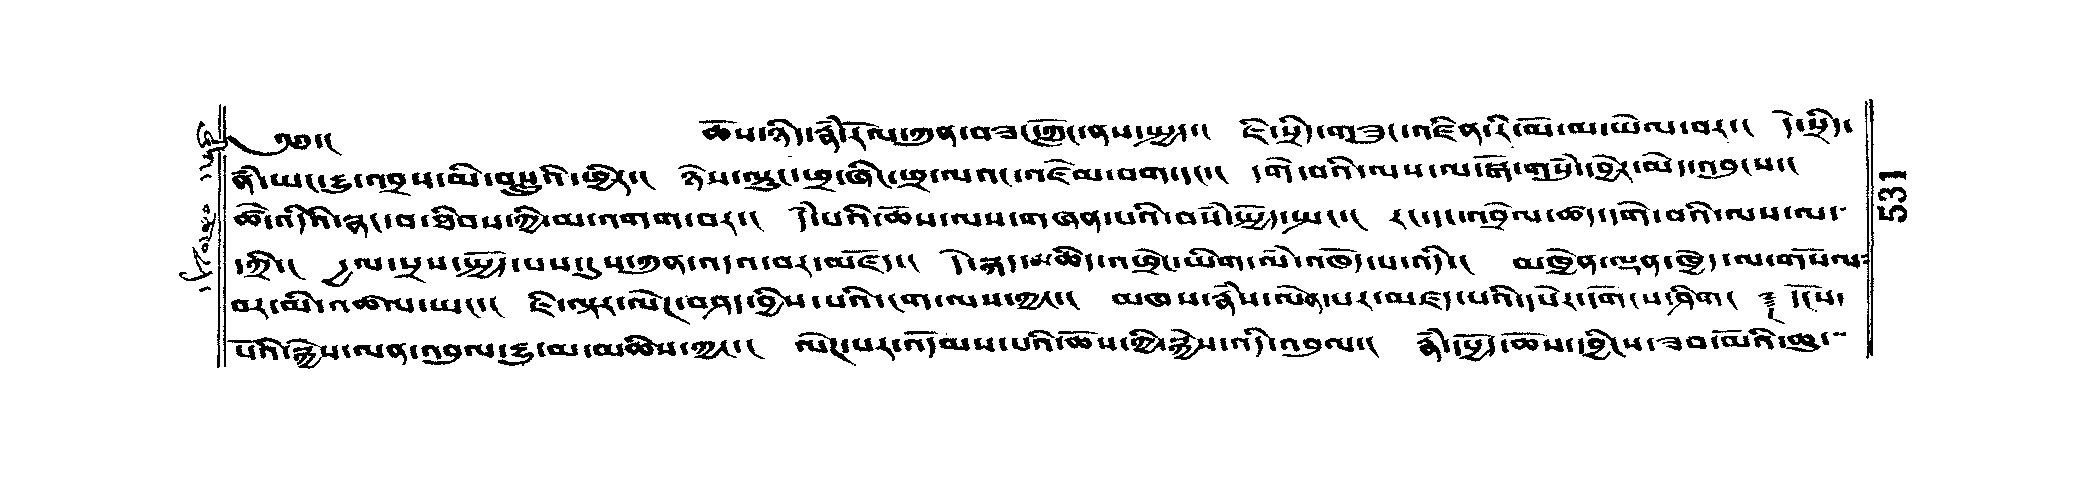།ཆོས་ཉིད་རྣམ་རོལ་ཀུན་བཟང་ཀློང་ནས་སྤྱད། །ཇི་སྲིད་གཟུང་འཛིན་རི་མོ་མ་སྤེལ་བར། །དེ་སྲིད་
ནམ་ཡང་རྒྱུ་འབྲས་མི་བསླུའི་ཕྱིར། །ཉེས་ལྟུང་ཕྲ་ཞིང་ཕྲ་ལའང་འཛེམ་བག་དང་། །དགེ་བའི་ལས་ལ་སྒོ་གསུམ་བྱར་མེད་འབུངས། །
ཚེ་འདིའི་སྣང་བ་ཐིབས་ཀྱི་མ་འགག་བར། །དམ་པའི་ཆོས་ལས་གཞན་པའི་བསམ་སྤྱོད་སྤོངས། །རང་དང་འབྲེལ་ཚད་དགེ་བའི་ལས་ལ་
དཀྲིས། །རྒྱལ་སྲས་སྤྱོད་པས་དུས་ཀུན་འདའ་བར་མཛོད། །དེ་སྐད་མཆིད་འཕྲེང་ཡིག་ལམ་འཁོད་པ་འདི། །མཁྱེན་ལྡན་ཁྱེད་ལ་གསོལ་
བར་མི་འཚལ་ཡང་། །ཇི་ལྟར་ལེགས་བཤད་བྱིས་པའི་ངག་ལས་ཀྱང་། །མཁས་རྣམས་ལེན་པར་མཛད་པའི་དཔེར་དགོངས་ཤིག།དངོས་
པོའི་སྐྱེས་ལན་འབུལ་རྒྱུ་མ་མཆིས་ཀྱང་། །ལེགས་པར་འདོམས་པའི་ཆོས་ཀྱི་སྐྱེས་འདི་འབུལ། །རྣམ་དཔྱོད་ཆོས་དབྱིངས་ཟབ་མོའི་ཆུ་